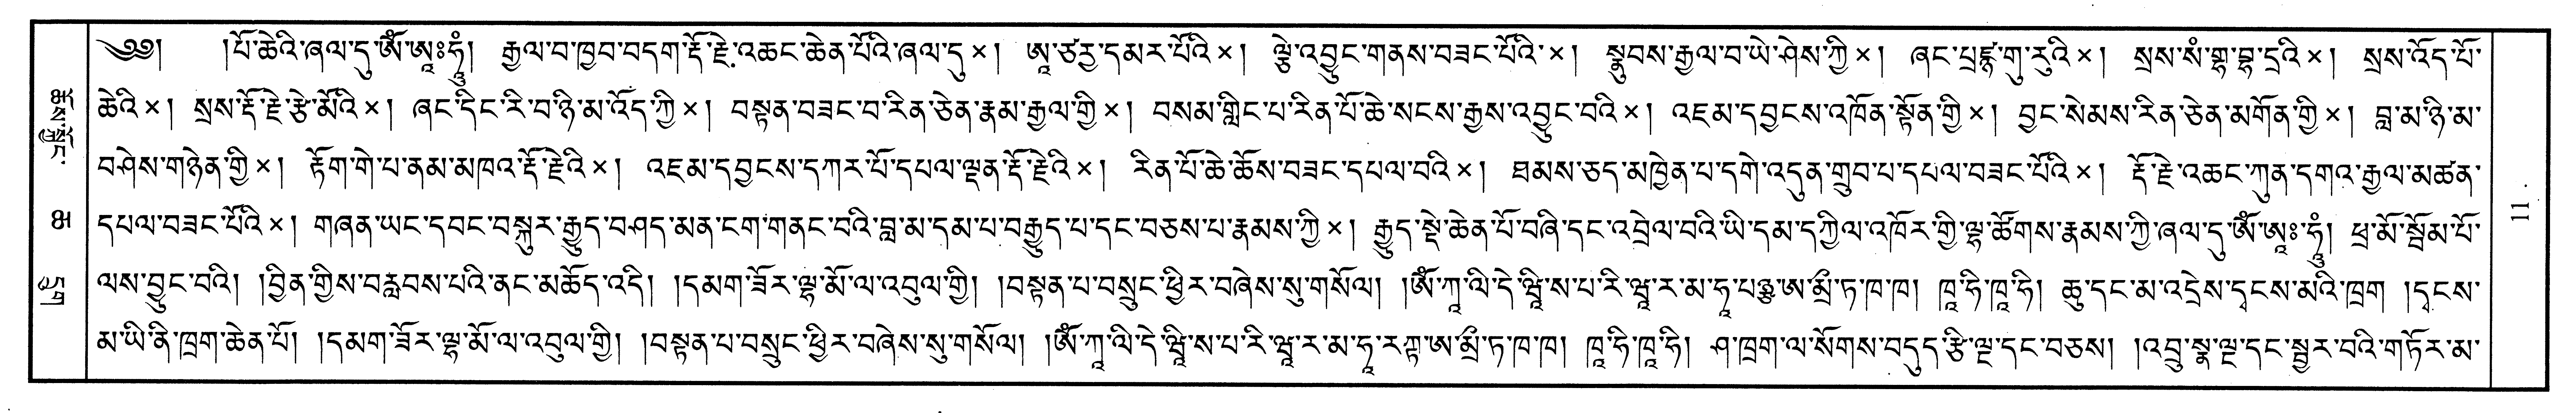༄༅། །པོ་ཆེའི་ཞལ་དུ་ཨོཾ་ཨཱཿ ཧཱུཾ། རྒྱལ་བ་ཁྱབ་བདག་རྡོ་རྗེ་འཆང་ཆེན་པོའི་ཞལ་དུ་྾། ཨཱ་ཙརྱ་དམར་པོའི་྾། ལྕེ་འབྱུང་གནས་བཟང་པོའི་྾། སྣུབས་རྒྱལ་བ་ཡེ་ཤེས་ཀྱི་྾། ཞང་པྲཛྙ་གུ་རུའི་྾། སྲས་སཾ་གྷ་བྷ་དྲའི་྾། སྲས་འོད་པོ་
ཆེའི་྾། སྲས་རྡོ་རྗེ་རྩེ་མོའི་྾། ཞང་དིང་རི་བ་ཉི་མ་འོད་ཀྱི་྾། བསྟན་བཟང་བ་རིན་ཅེན་རྣམ་རྒྱལ་གྱི་྾། བསམ་གླིང་པ་རིན་པོ་ཆེ་སངས་རྒྱས་འབྱུང་བའི་྾། འཇམ་དབྱངས་འཁོན་སྟོན་གྱི་྾། བྱང་སེམས་རིན་ཅེན་མགོན་གྱི་྾། བླ་མ་ཉི་མ་
བཤེས་གཉེན་གྱི་྾། རྟོག་གེ་པ་ནམ་མཁའ་རྡོ་རྗེའི་྾། འཇམ་དབྱངས་དཀར་པོ་དཔལ་ལྡན་རྡོ་རྗེའི་྾། རིན་པོ་ཆེ་ཆོས་བཟང་དཔལ་བའི་྾། ཐམས་ཅད་མཁྱེན་པ་དགེ་འདུན་གྲུབ་པ་དཔལ་བཟང་པོའི་྾། རྡོ་རྗེ་འཆང་ཀུན་དགའ་རྒྱལ་མཚན་
དཔལ་བཟང་པོའི་྾། གཞན་ཡང་དབང་བསྐུར་རྒྱུད་བཤད་མན་ངག་གནང་བའི་བླ་མ་དམ་པ་བརྒྱུད་པ་དང་བཅས་པ་རྣམས་ཀྱི་྾། རྒྱུད་སྡེ་ཆེན་པོ་བཞི་དང་འབྲེལ་བའི་ཡི་དམ་དཀྱིལ་འཁོར་གྱི་ལྷ་ཚོགས་རྣམས་ཀྱི་ཞལ་དུ་ཨོཾ་ཨཱཿ ཧཱུཾ། ཕྲ་མོ་སྦོམ་པོ་
ལས་བྱུང་བའི། །བྱིན་གྱིས་བརླབས་པའི་ནང་མཆོད་འདི། །དམག་ཟོར་ལྷ་མོ་ལ་འབུལ་གྱི། །བསྟན་པ་བསྲུང་ཕྱིར་བཞེས་སུ་གསོལ། །ཨོཾ་ཀཱ་ལི་དེ་ཝཱི་ས་པ་རི་ཝཱ་ར་མ་ཧཱ་པཉྩ་ཨ་མྲྀ་ཏ་ཁ་ཁ། ཁཱ་ཧི་ཁཱ་ཧི། ཆུ་དང་མ་འདྲེས་དྭངས་མའི་ཁྲག །དྭངས་
མ་ཡི་ནི་ཁྲག་ཆེན་པོ། །དམག་ཟོར་ལྷ་མོ་ལ་འབུལ་གྱི། །བསྟན་པ་བསྲུང་ཕྱིར་བཞེས་སུ་གསོལ། །ཨོཾ་ཀཱ་ལི་དེ་ཝཱི་ས་པ་རི་ཝཱ་ར་མ་ཧཱ་རཀྟ་ཨ་མྲྀ་ཏ་ཁ་ཁ། ཁཱ་ཧི་ཁཱ་ཧི། ཤ་ཁྲག་ལ་སོགས་བདུད་རྩི་ལྔ་དང་བཅས། །འབྲུ་སྣ་ལྔ་དང་སྦྱར་བའི་གཏོར་མ་